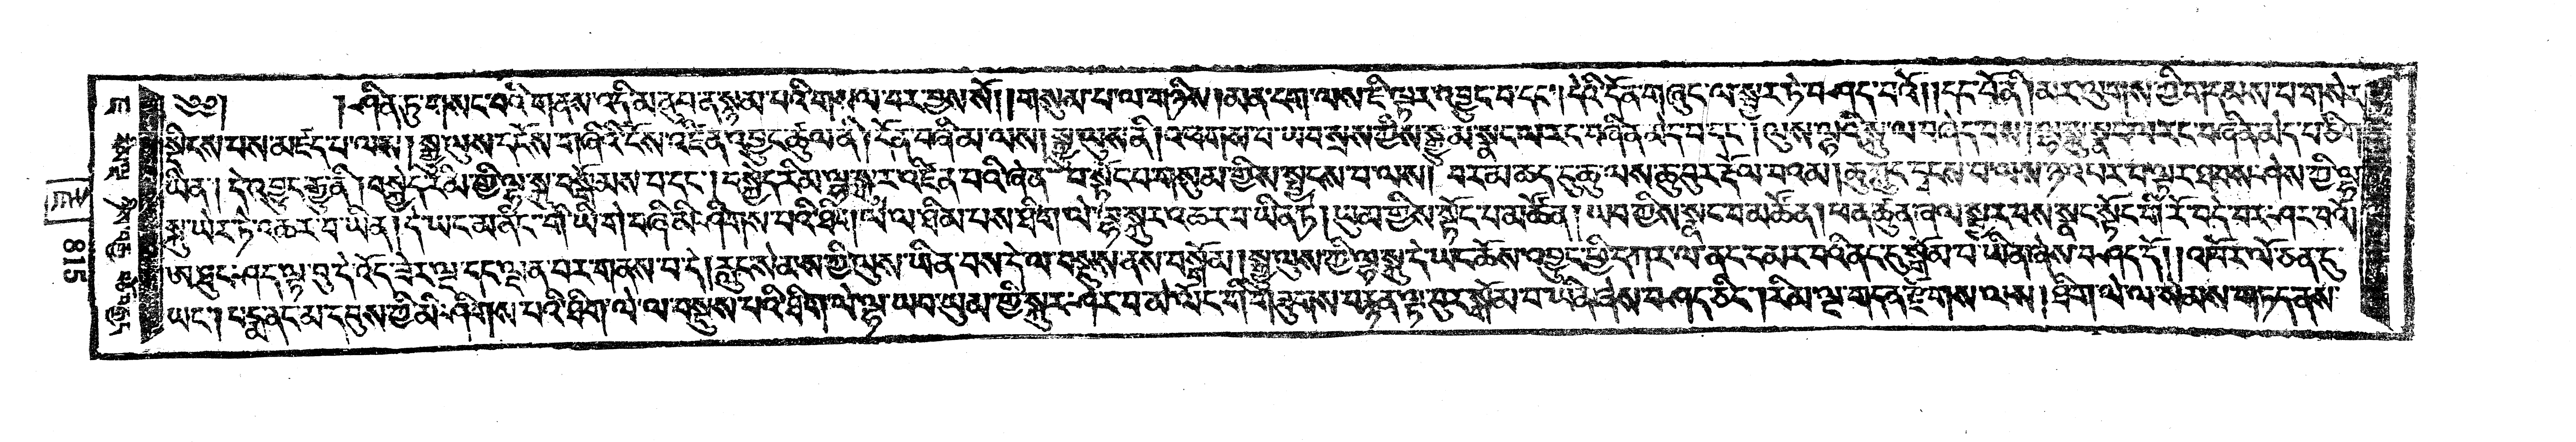༄༅། །ཤིན་ཏུ་གསང་བའི་གནས་འདི་མ་ནུབ་ན་སྙམ་པའི་གསལ་བར་བྱས་ས། །གསུམ་པ་ལ་གཉིས། མན་ངག་ལས་ཇི་ལྟར་འབྱུང་བ་དང་། དེའི་དོན་གཞུང་ལ་སྦྱར་ཏེ་བཤད་པའོ། །དང་པོ་ནི། མར་ལུགས་ཀྱི་གདམས་པ་གསེར་
སྡིངས་པས་མཛད་པ་ལས། སྒྱུ་ལུས་དངོས་གཞིའི་ངོས་འཛིན་འབྱུང་ཚུལ་ནི། དོན་བཞི་མ་ལས། སྒྱུ་ལུས་ནི། འཕགས་པ་ཡབ་སྲས་ཀྱིས་སྒྱུ་མ་སྣང་ལ་རང་བཞིན་མེད་པ་དང་། ལུས་ལྷའི་སྐུ་ལ་བཞེད་པས། ལྷ་སྐུ་སྣང་ལ་རང་བཞིན་མེད་པ་ཅིག་
ཡིན། དེ་འབྱུང་བའི་རྒྱུ་ནི། བསྐྱེད་རིམ་གྱི་ལྷ་སྐུ་བསྒོམས་པ་དང་། བསྐྱེད་རིམ་ལྷ་སྐུར་འཛིན་པའི་ཞེན་པ་སྟོང་པ་གསུམ་གྱིས་སྦྱངས་པ་ལས། བར་མ་ཆད་དུ་ཆུ་ལས་ཆུ་བུར་རྡོལ་བའམ། ཆུ་ཀླུང་དྭངས་པ་ལས་ཉ་འཕར་བ་ལྟར་ཐབས་ཤེས་ཀྱི་ལྷ་
སྐུ་ཡེར་ཏེ་འཆར་བ་ཡིན། དེ་ཡང་མ་ནིང་གི་ཡི་གེ་བཞི་མི་ཤིགས་པའི་ཐིག་ལེ་ལ་ཐིམ་པས་ཐིག་ལེ་ལྷ་སྐུར་འཆར་བ་ཡིན་ཏེ། ཡུམ་གྱིས་སྟོང་པ་མཚོན། ཡབ་ཀྱིས་སྣང་བ་མཚོན། ཕན་ཚུན་ཞལ་སྦྱར་བས་སྣང་སྟོང་གི་རོ་བདེ་བར་ཤར་བའོ།
ཨ་ཐུང་ཤད་ལྟ་བུ་དེ་འོད་ཟེར་ལྔ་དང་ལྡན་པར་གནས་པ་དེ། རླུང་སེམས་ཀྱི་ལུས་ཡིན་པས་དེ་ལ་བསྡུས་ནས་བསྒོམ། སྒྱུ་ལུས་ཀྱི་ལྷ་སྐུ་དེ་ཡང་ཆོས་འབྱུང་ཕྱི་དཀར་ལ་ནང་དམར་བའི་ནང་དུ་སྒོམ་པ་ཡིན་ཞེས་བཤད་དོ། །འཁོར་ལོ་ཅན་དུ་
ཡང་། པདམ་ནང་མ་དབུས་ཀྱི་མི་ཤིགས་པའི་ཐིག་ལེ་ལ་བསྡུས་པའི་ཐིག་ལེ་ལྷ་ཡབ་ཡུམ་གྱི་སྐུར་ཤར་བ་མེ་ལོང་གི་གཟུགས་བརྙན་ལྟ་བུར་སྒོམ་པ་ཡིན་ཞེས་བཤད་ཅིང་། རིམ་ལྔ་གདན་རྫོགས་ལས། ཐིག་ལེ་ལ་སེམས་གཏད་ནས་